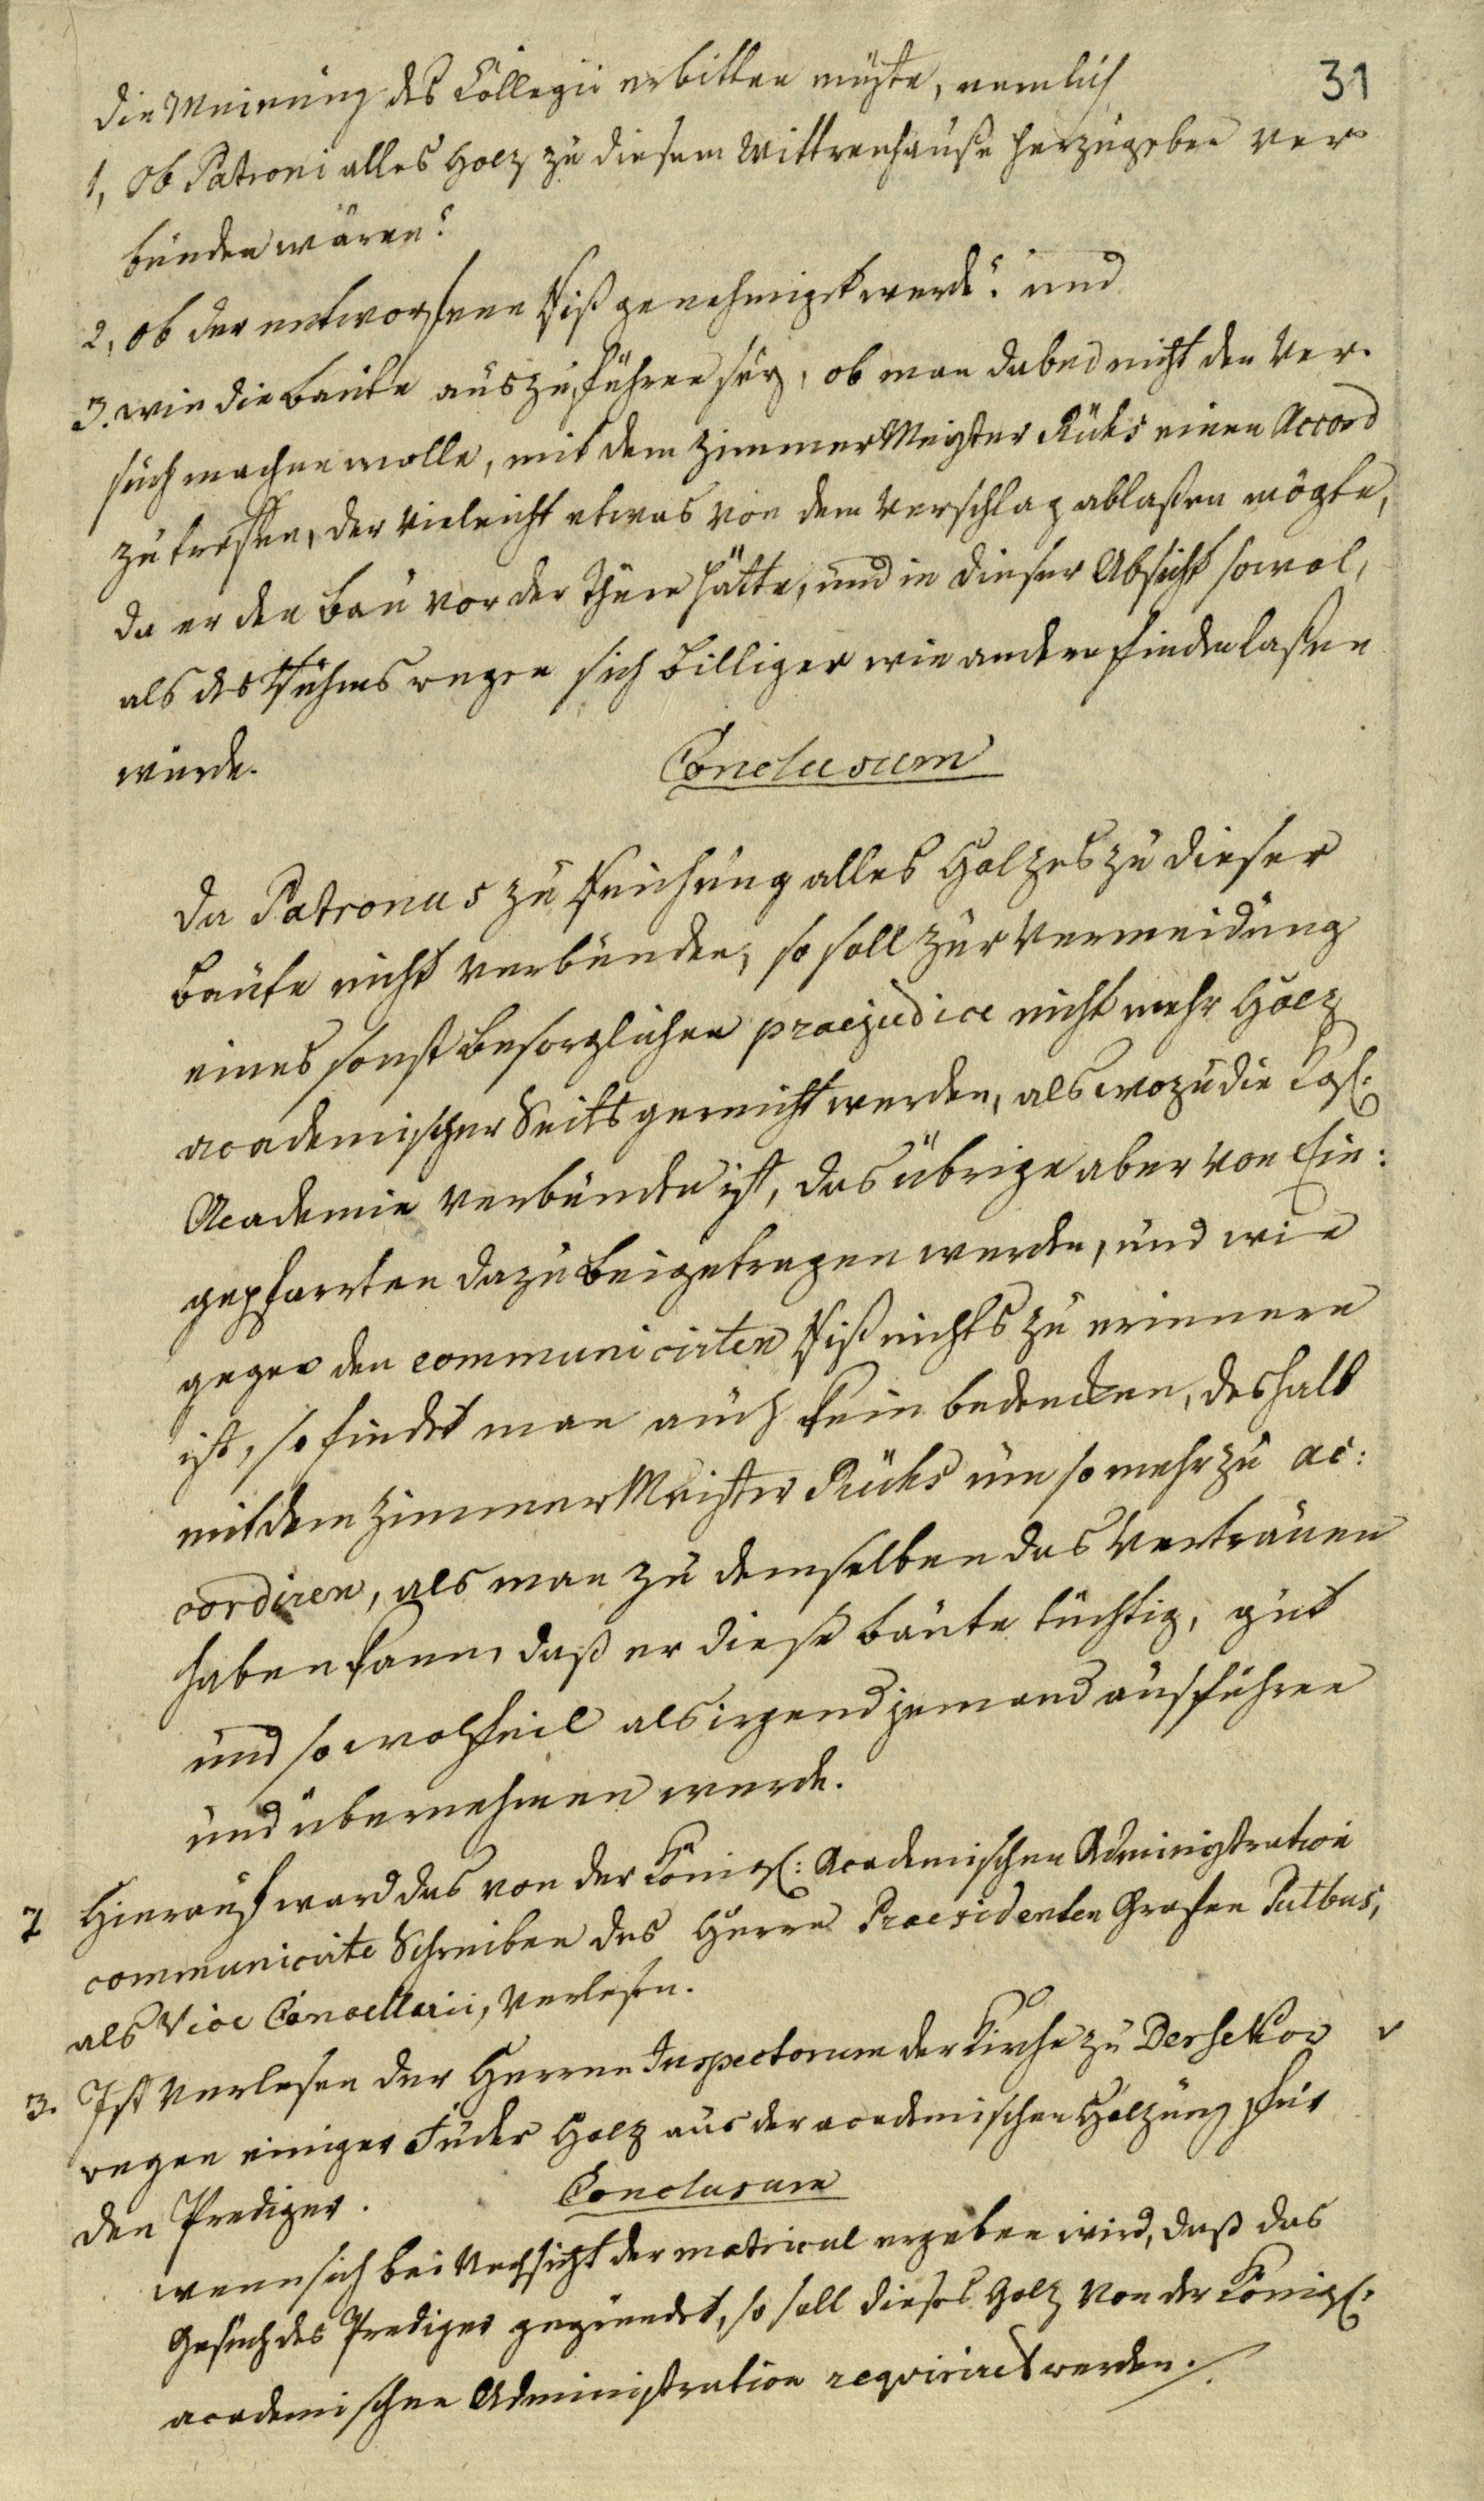die Meinung des Collegii erbitten müste, nemlich
1. ob Patroni alles Holz zu diesem Wittwenhause herzugeben ver¬
bunden wäre?
2, ob der entworfene Riß genehmiget werde? und
3. wie die Baute auszuführen seÿ, ob man dabei nicht den Ver¬
such machen wolle, mit dem ZimmerMeister Rühs einen Accord
zu treffen, der vieleicht etwas von dem Verschlag ablaßen mögte,
da er den Bau vor der Thüre hätte, und in dieser Absicht sowol,
als des Ruhms wegen sich billiger wie andere finden laßen
würde.
Conclusum
Da Patronus zu Reichung alles Holzes zu dieser
Baute nicht verbunden, so soll zur Vermeidung
eines sonst besorglichen praejudice nicht mehr Holz
academischer Seits gereicht werden, als wozu die Kgl.
Academie verbunden ist, das übrige aber von Ein¬
gepfarrten dazu Beigetragen werden, und wie
gegen den communicirten Riß nichts zu erinnern
ist, so findet man auch kein Bedencken, deshalb
mit dem ZimmerMeister Rühs um so mehr zu ac¬
cordiren, als man zu demselben das Vertrauen
haben kann, daß er diese Baute tüchtig, gut
und so wolfeil als irgend jemand ausführen
und übernehmen werde.
2. Hierauf ward das von der Königl. Academischen Administration
communicirte Schreiben des Herrn Praesidenten Grafen Putbus,
als Vice Cancellarii, verlesen.
3. Ist verlesen der Herren Inspectorum der Kirche zu Dersekow
wegen einiger Fuder Holz aus der academischen Holzung für
den Prediger. Conclusum
Wenn sich bei Nachsicht der matricul ergeben wird, daß das
Gesuch des Prediger gegründet, so soll dieses Holz von der Königl.
academischen Administration requiriret werden.